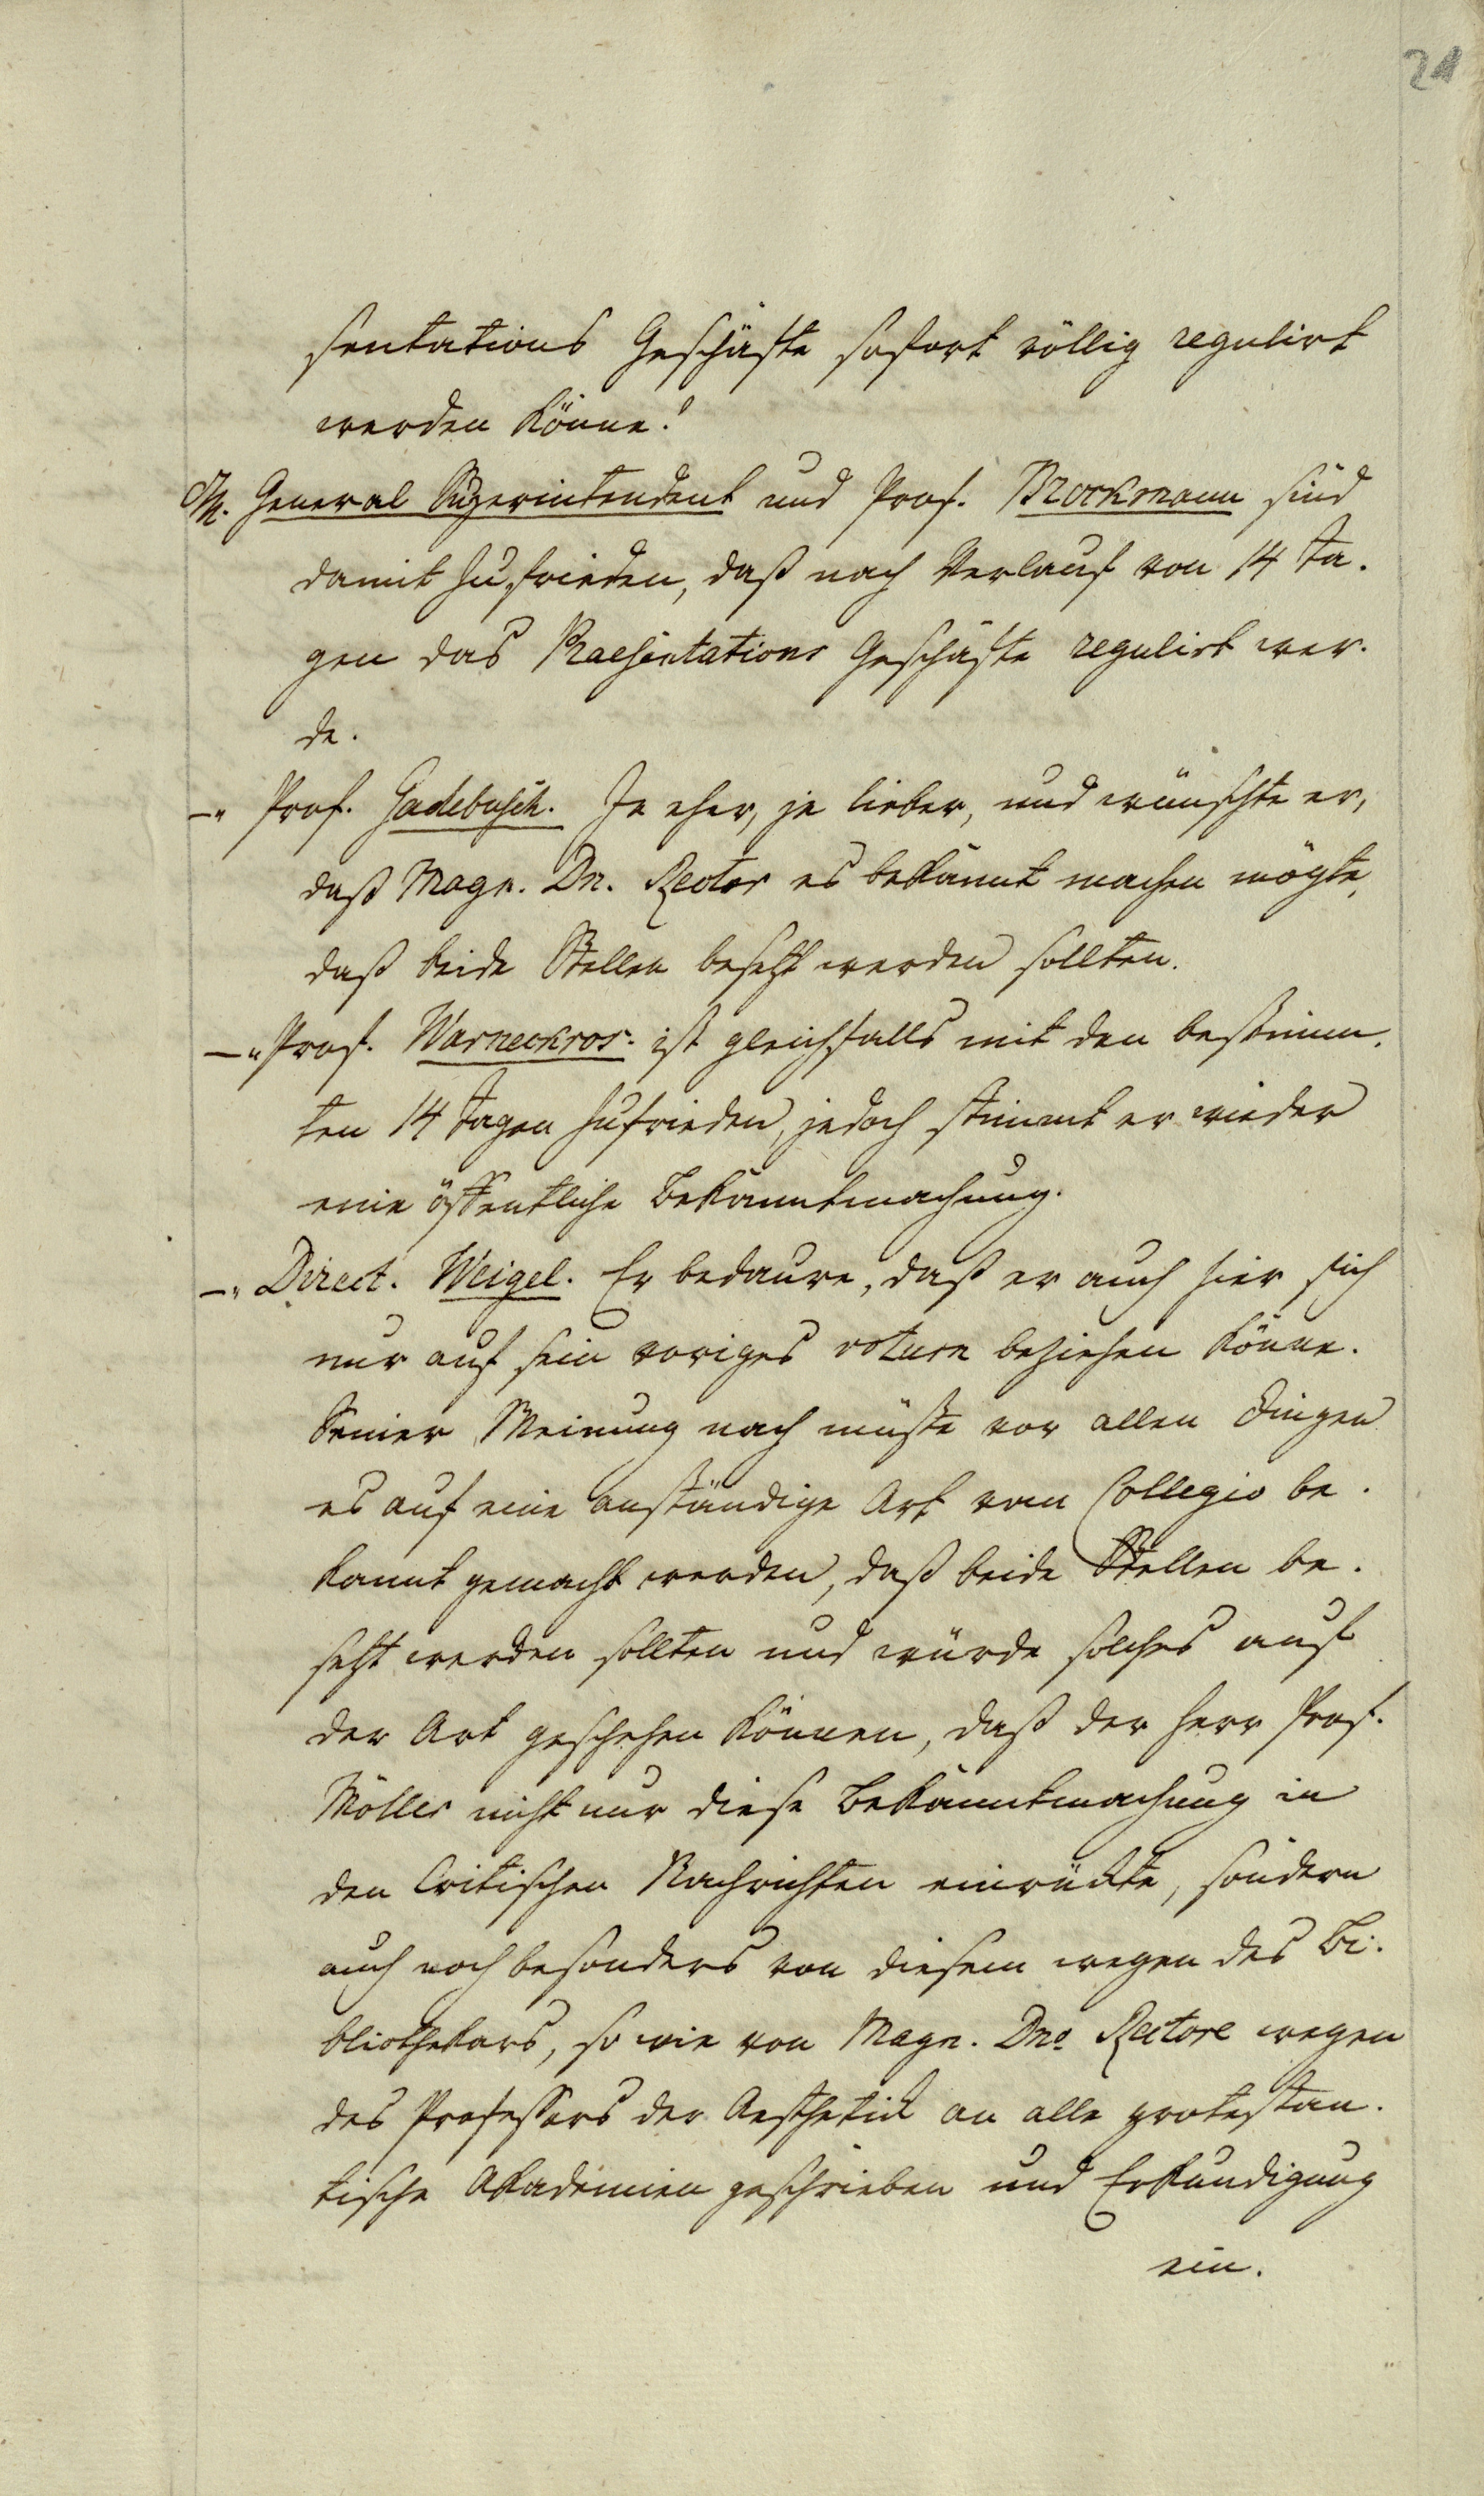sentations Geschäfte sofort völlig regulirt
werden könne?
dh. General Superintendent und Prof. Brockmann sind
damit zufrieden, daß nach Verlauf von 14 Ta¬
gen das Praesentations Geschäfte regulirt wer¬
de.
— " Prof. Gadebusch. Je eher, je lieber, und wünschte er,
daß Magn. Dn. Rector es bekannt machen mögte,
daß beide Stellen besetzt werden sollten.
— " Prof. Warneckros. ist gleichfalls mit den bestimm¬
ten 14 Tagen zufrieden, jedoch stimmt er wieder
eine öffentliche Bekanntmachung.
— " Direct. Weigel. Er bedaure, daß er auch hier sich
nur auf sein voriges votum beziehen könne.
Dieser Meinung nach müßte vor allen Dingen
es auf eine anständige Art vom Collegio be¬
kannt gemacht werden, daß beide Stellen be¬
setzt werden sollten und würde solches auf
der Art geschehen können, daß der Herr Prof.
Möller nicht nur diese Bekanntmachung in
den Critischen Nachrichten einrückte, sondern
auch noch besonders von diesem wegen des Bi¬
bliothekars, so wie von Magn. Dn. Rectore wegen
des Professors der Aesthetick an alle protestan¬
tischen Akademien geschrieben und Erkundigung
ein¬